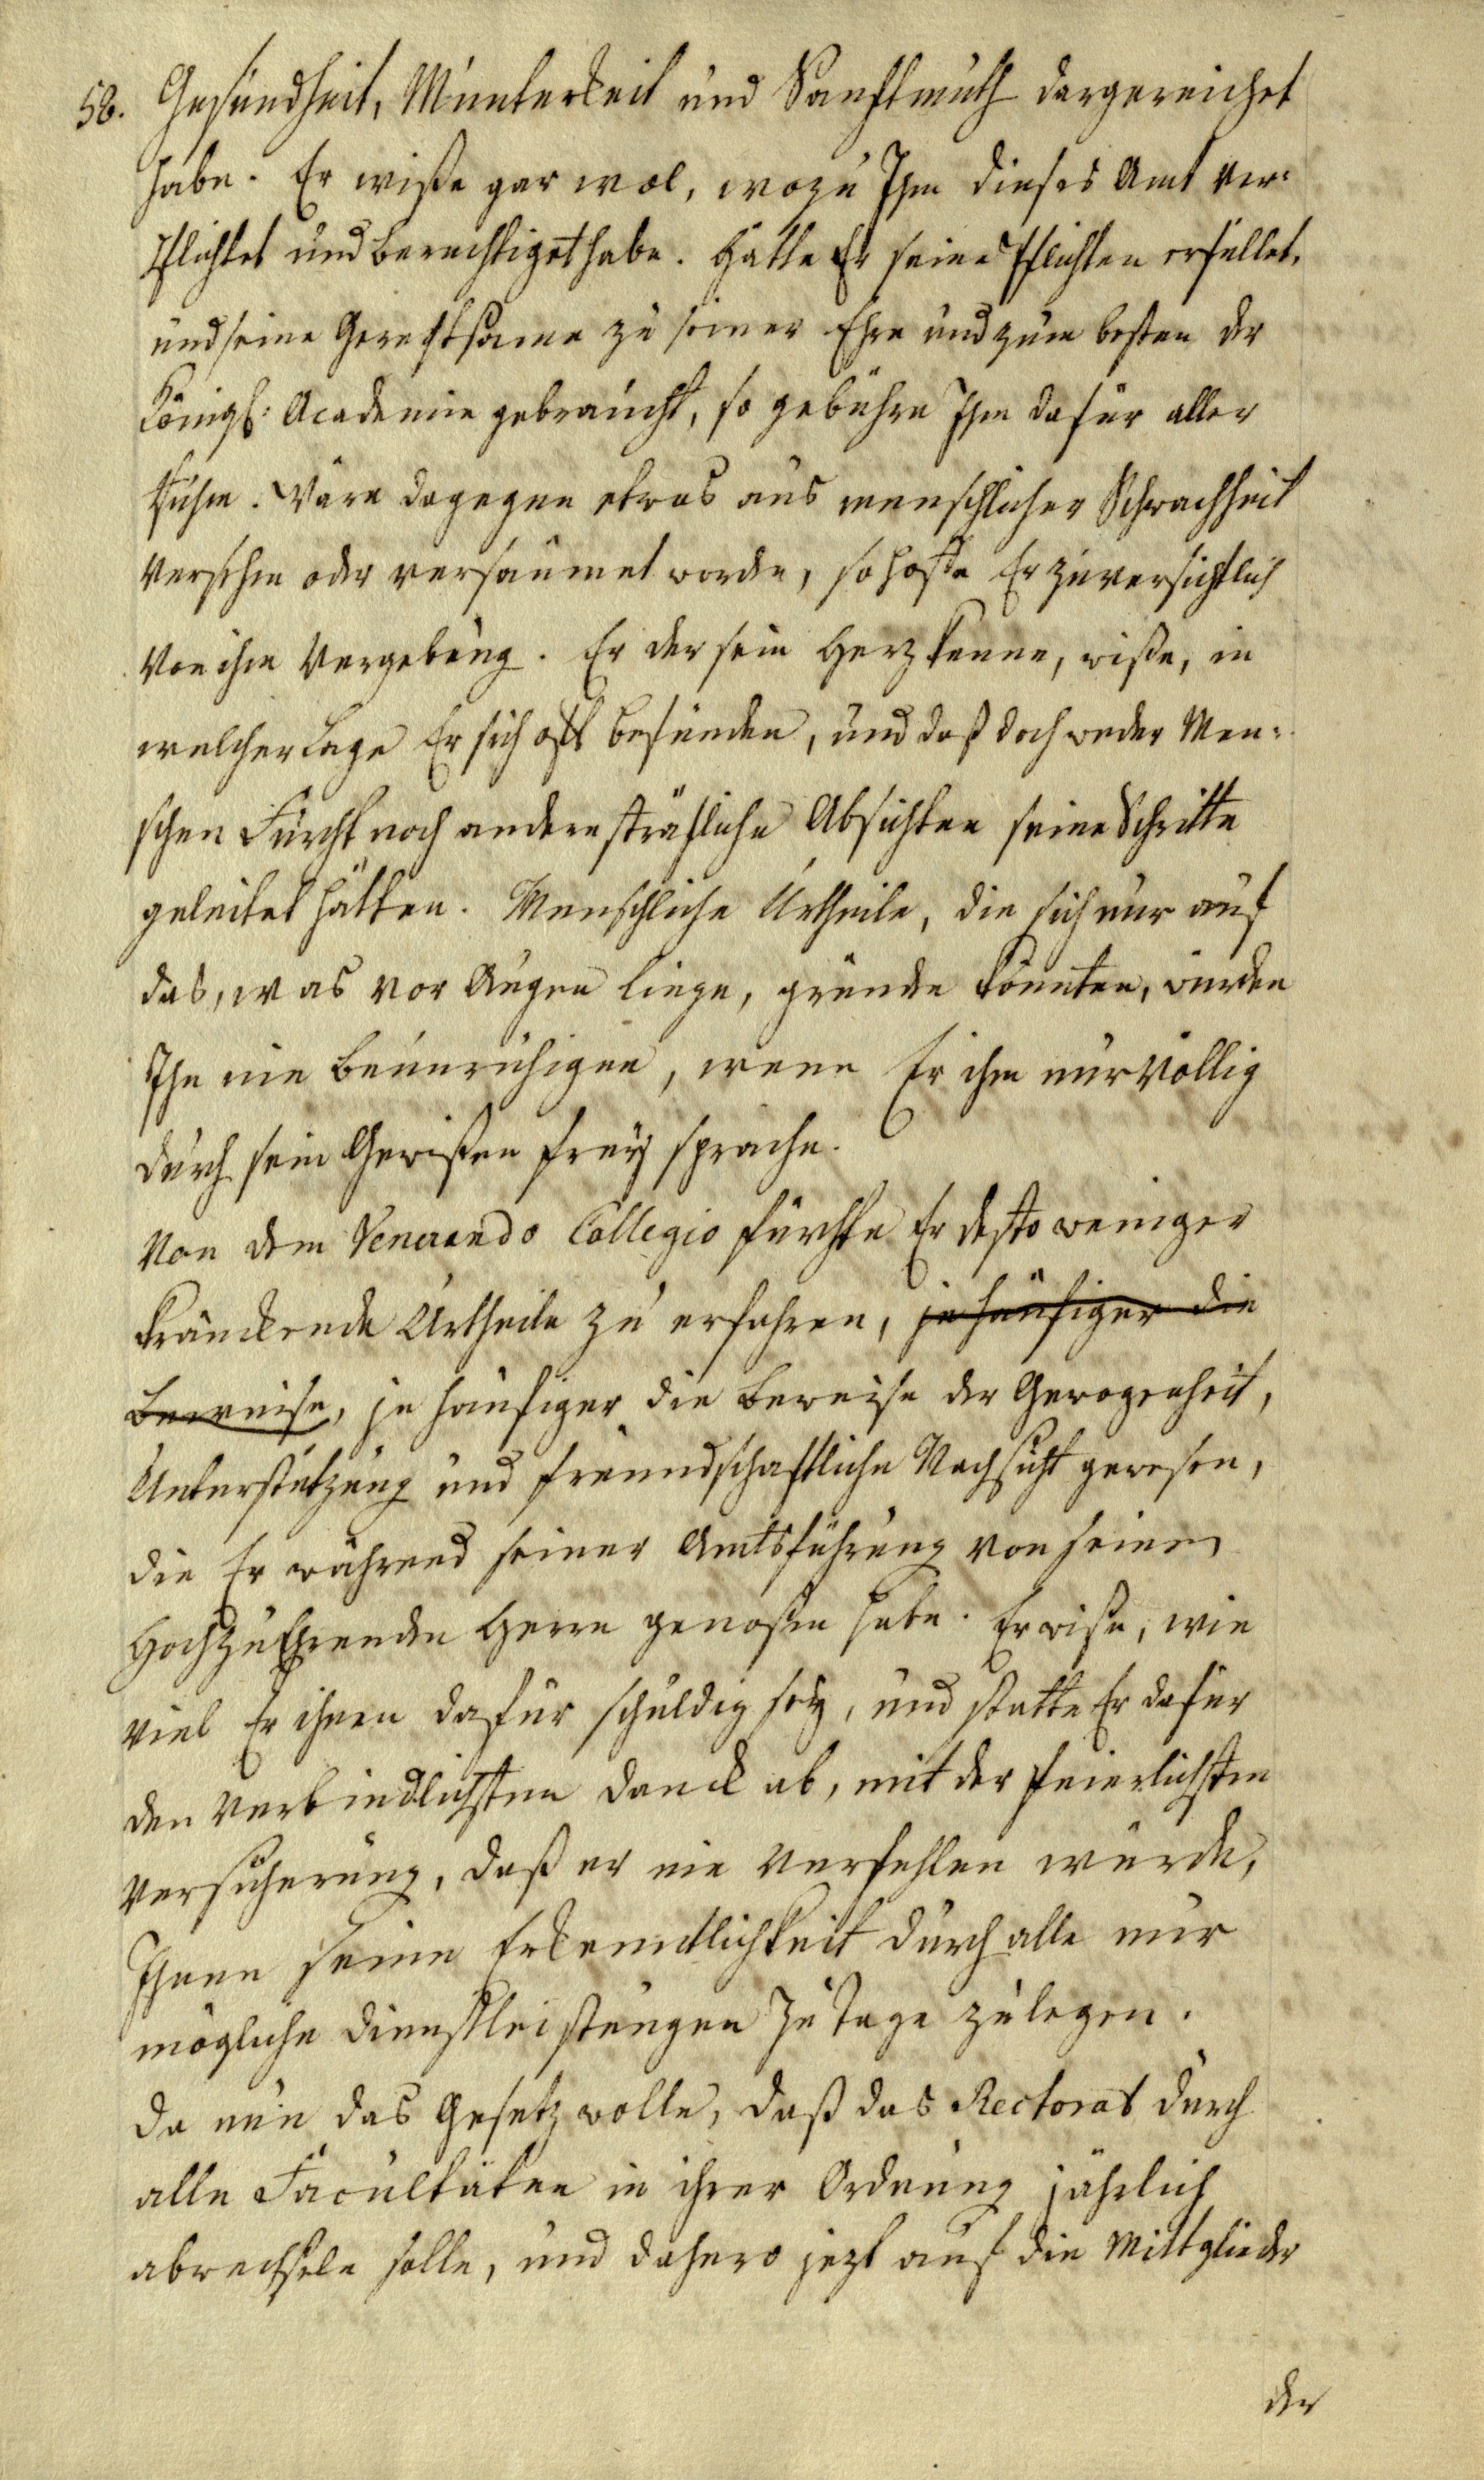Gesundheit, Munterkeit und Sanftmuth dargereichet
habe. Er wiße gar wol, wozu Ihm dieses Amte ver¬
pflichtet und berechtiget habe. Hätte Er seine Pflichten erfüllet,
und seine Gerechtsame zuseiner Ehre und zum besten der
Königl. Academie gebraucht, so gebühre Ihm dafür aller
Ruhm. Wäre dagegen etwas aus menschlicher Schwachheit
versehen oder versäumet worden, so hoffe Er zuversichtlich
von ihm Vergebung. Er der sein Herz kenne, wiße, in
welcher Lage Er sich oft befunden, und daß doch weder Men¬
schen Furcht noch andere sträfliche Absichten seine Schritte
geleitet hätten. Menschliche Urtheile, die sich nur auf
das, was vor Augen liege, gründen könnten, würden
Ihn nie beunruhigen, wenn Er ihm nur völlig
durch sein Gewißen freÿ spräche.
Von dem Venerando Collegio fürchte Er desto weniger
Kränckende Urtheile zu erfahren,
je häufiger die Beweise der Gewogenheit,
Unterstützung und freundschaftliche Nachsicht gewesen,
die Er während seiner Amtsführung von seinen
Hochzuehrenden Herrn genoßen habe. Er wiße, wie
viel Er ihnen dafür schuldig seÿ, und statte Er dafür
den verbindlichsten Danck ab, mit der feierlichsten
Versicherung, daß er nie verfehlen würde,
Ihnen seine Erkenntlichkeit durch alle nur
mögliche Dienstleistungen zu Tage zu legen.
Da nun das Gesetz wolle, daß das Rectorat durch
alle Facultäten in ihrer Ordnung jährlich
abwechseln solle, und dahero jezt auf die Mittglieder
der